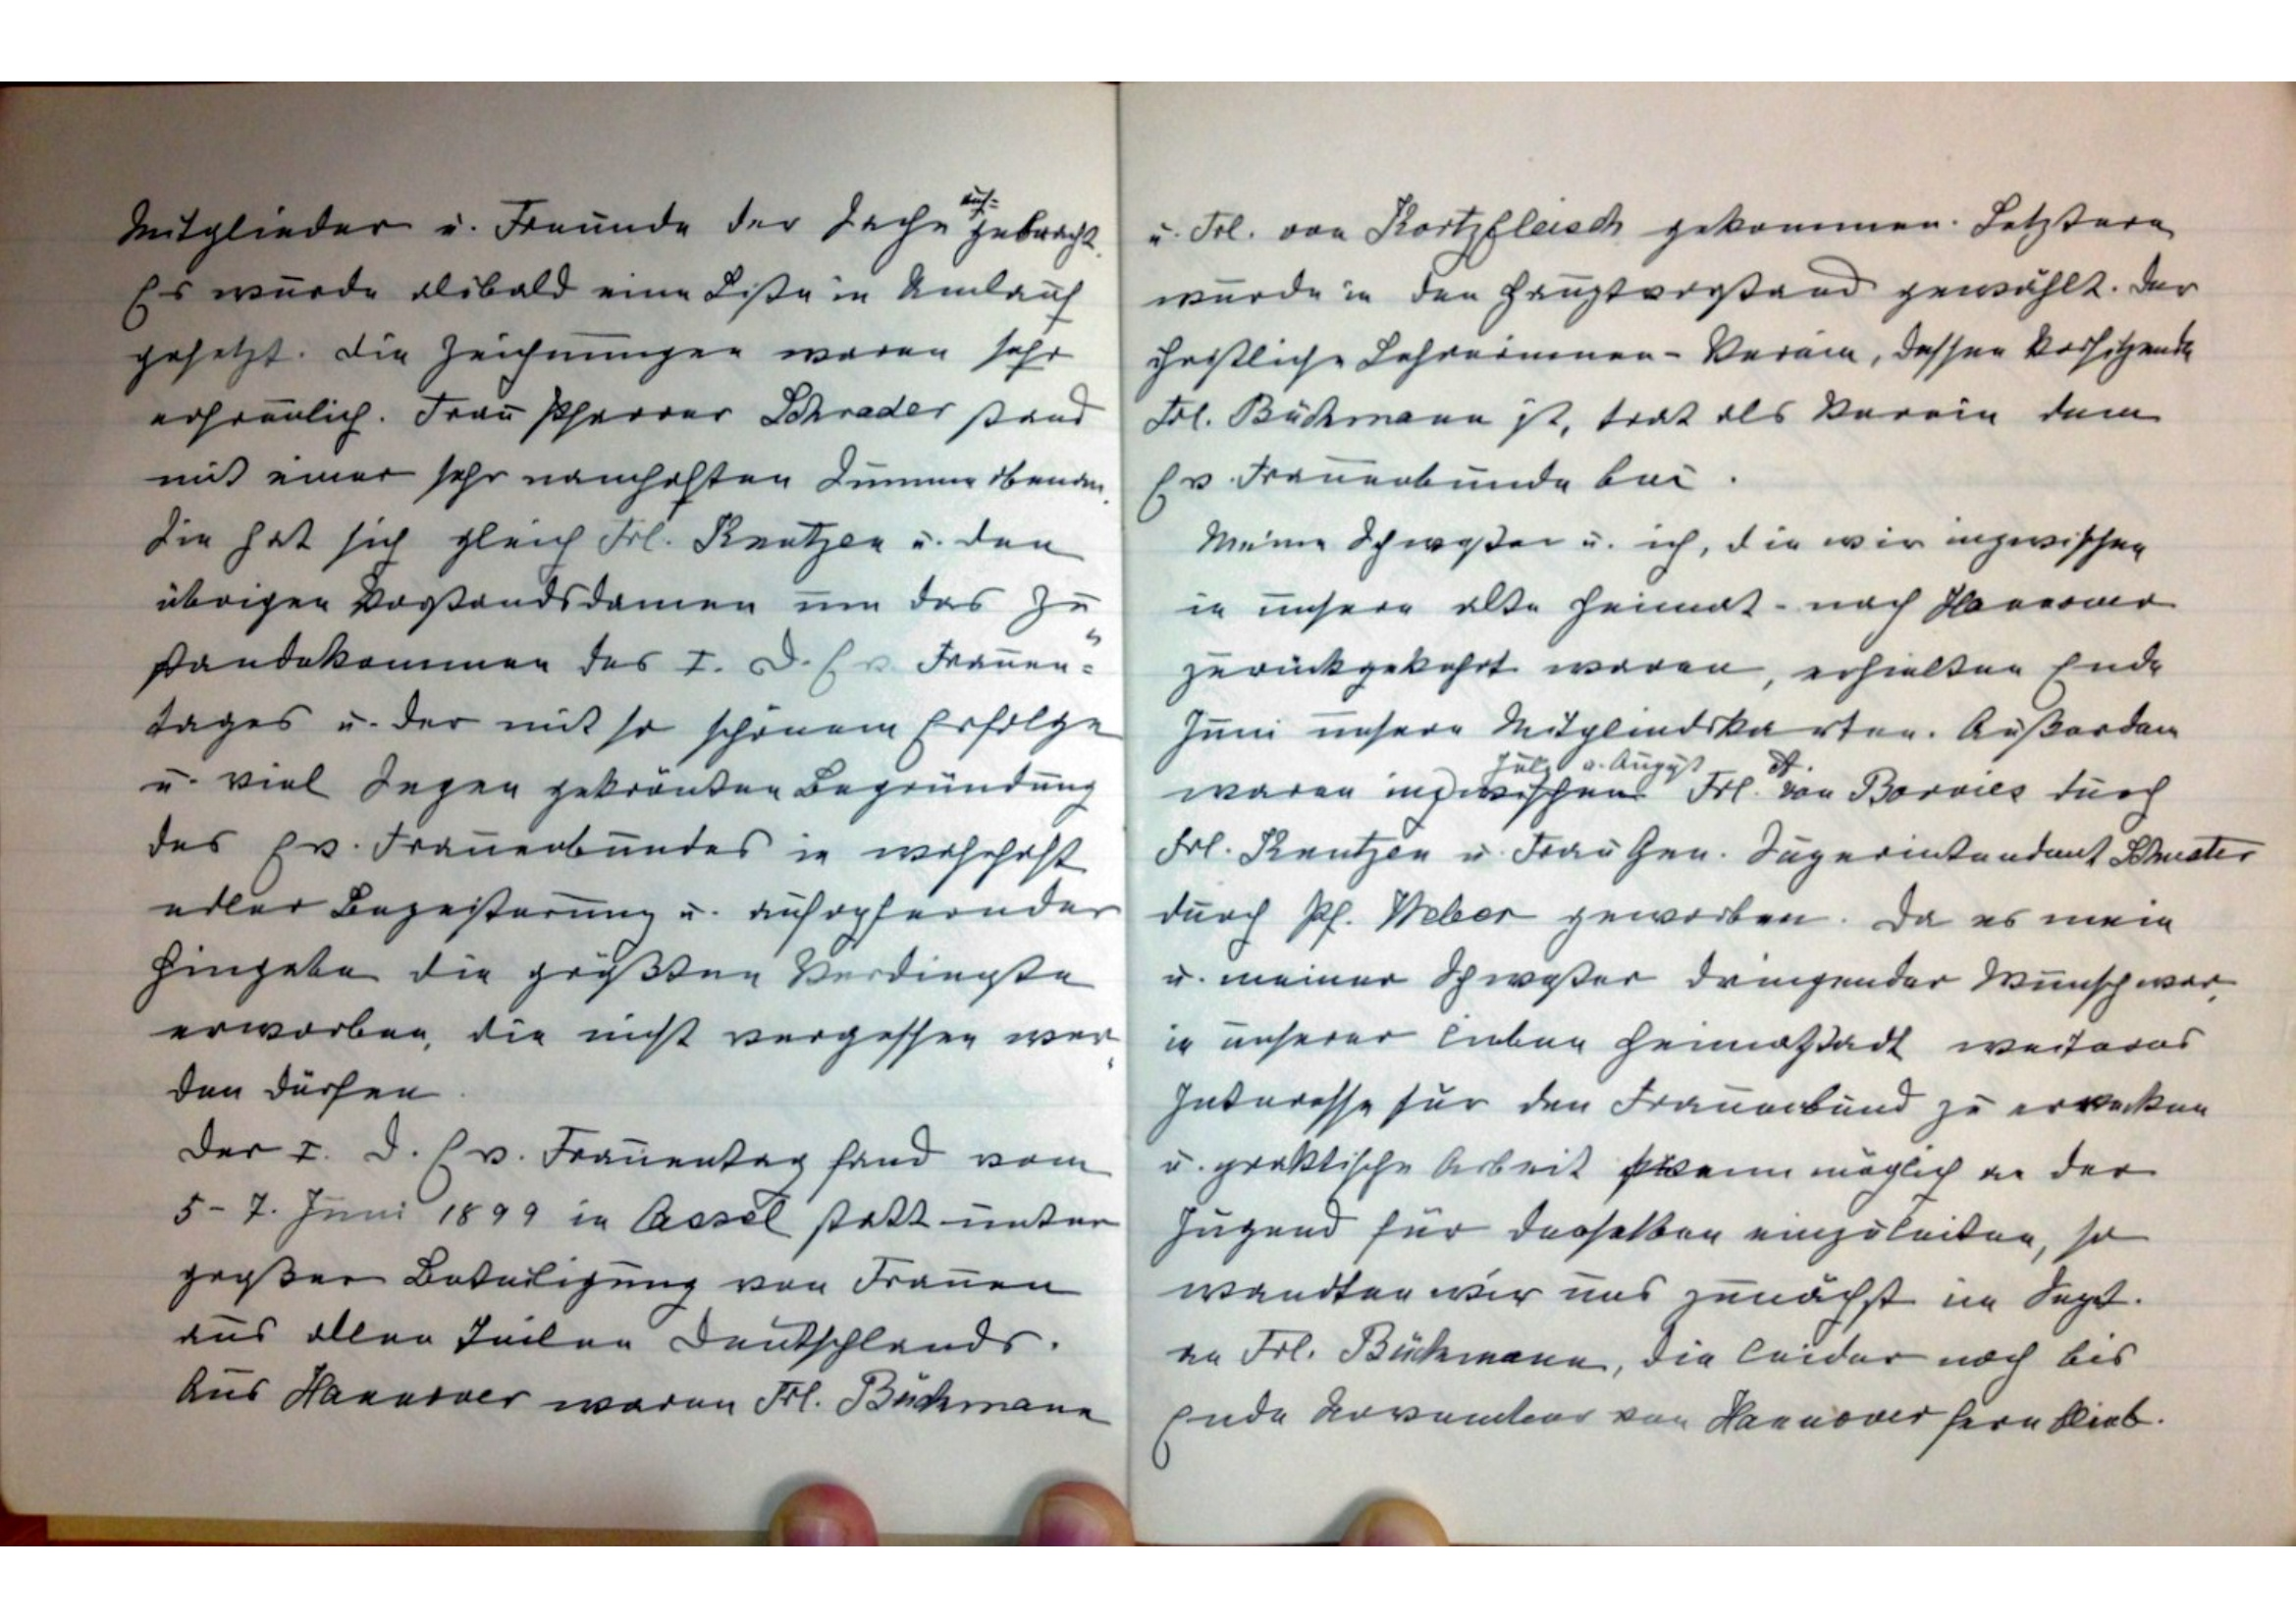auf-
Mitglieder u. Freunde der Sache gebracht.
Es wurde alsbald eine Liste in Umlauf
Umlauf gesetzt. Die Zeichnungen waren sehr
erfreulich. Frau Pfarrer Schrader stand
mit einer sehr namhaften Summe obenan.
Sie hat sich gleich Frl. Knutzen u. den
übrigen Vorstandsdamen um das zu
zustandekommen des I. D. Ev. Frauen
tages u. der mit so schönem Erfolge
u. viel Segen gekrönten Begründung
des Ev. Frauenbundes in wahrhaft
edler Begeisterung u. aufopfernder
Hingabe die größten Verdienste
erworben, die nicht vergessen wer
den dürfen.
Der I. D. Ev. Frauentag fand vom
5.-7. Juni 1899 in Cassel statt unter
unter großer Beteiligung von Frauen
aus allen Teilen Deutschlands.
Aus Hannover waren Frl. Buckmann
u. Frl. von Kortzfleisch gekommen. Letztere
wurde in den Hauptvorstand gewählt. Der
christliche Lehreinnen-Verein, dessen Vorsitzende
Frl. Buckmann ist, trat als Verein dem
Ev. Frauenbunde bei.
eine Schwester u. ich, die wir inzwischen
in unsere alte Heimat, nach Hannover
zurückgekehrt waren, erhielten Ende
Juni unsere Mitgliedskarten. Außerdem
July und August
waren inzwischen Frl. v. Boraies durch
Frl. Knutzen u. Frau Gen. Superintendent Schuster
durch Pf. Weber geworben. Da es mein
u. meiner Schwester dringender Wunsch war
in unserer lieben Heimatstadt weiteres
Interesse für den Frauenbund zu erwirken
u. praktische Arbeit wenn möglich an der
Jugend für denselben einzuleiten, so
wandten wir uns zunächst im Text
an Frl. Buckmann, die leider noch bis
Ende November von Hannover fern blieb.